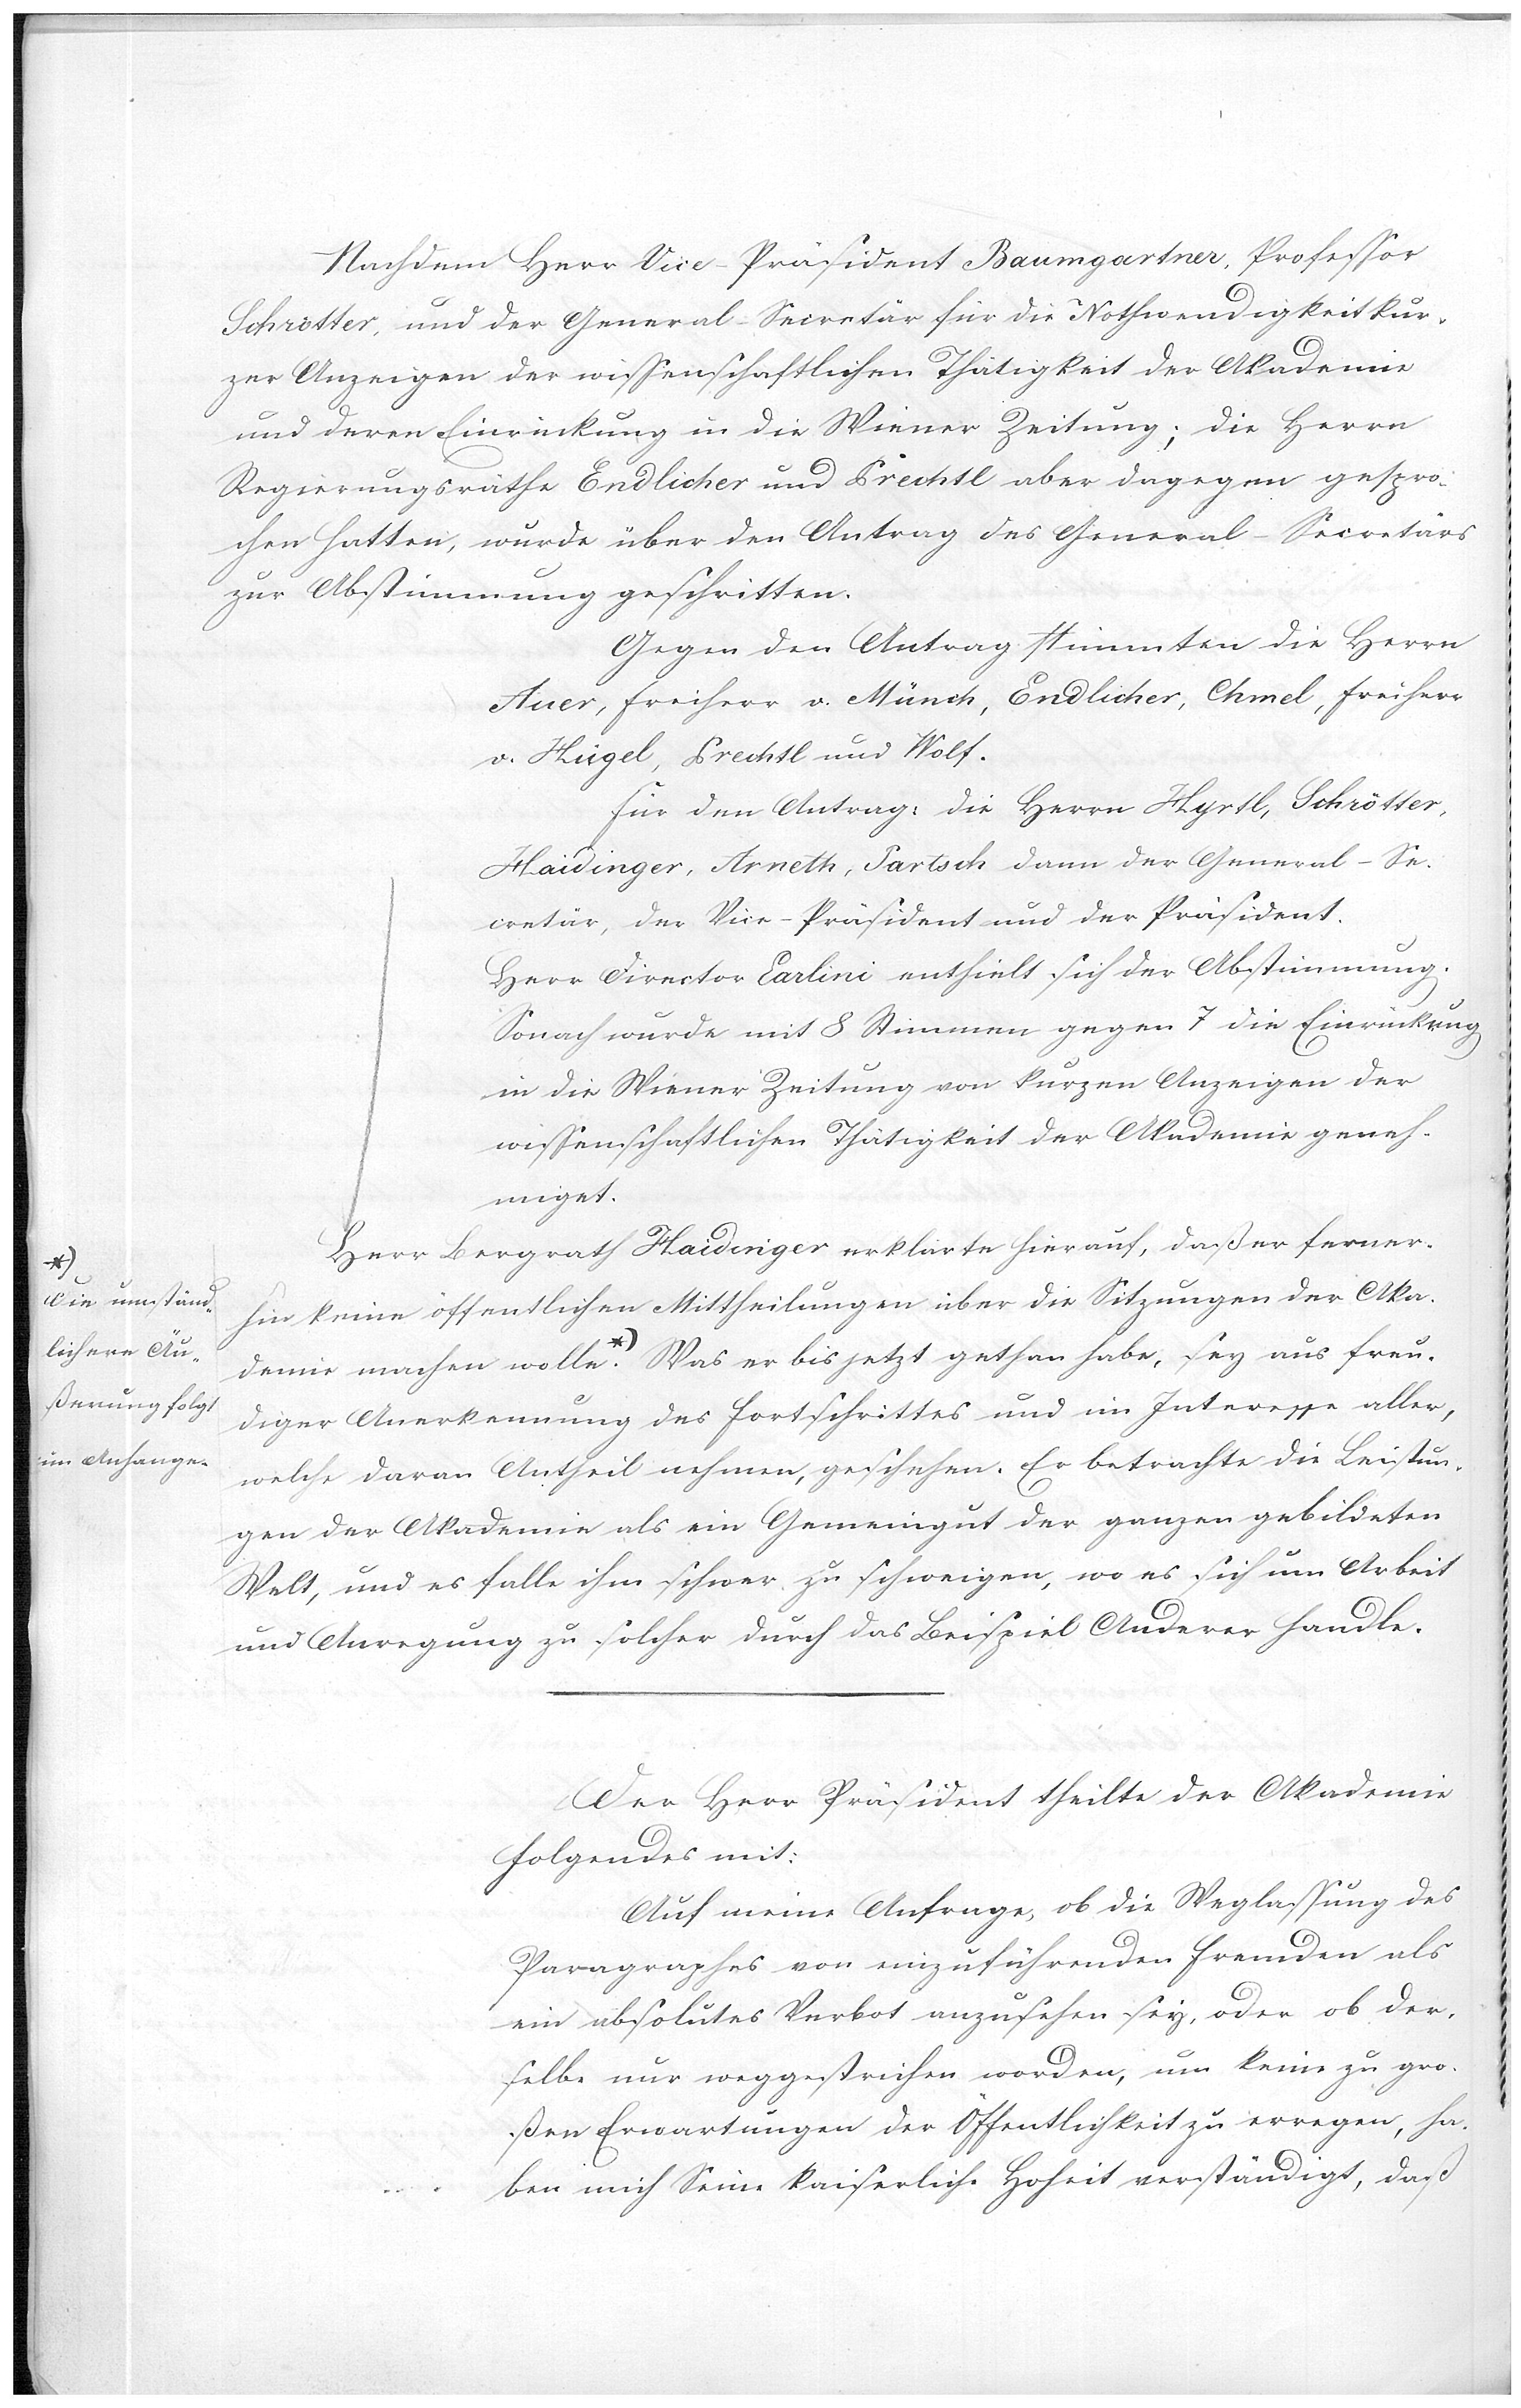Nachdem Herr Vice Präsident Baumgartner, Professor
Schrötter, und der General Secretär für die Nothwendigkeit kur-
zer Anzeigen der wissenschaftlichen Thätigkeit der Akademie
und deren Einrückung in die Wiener Zeitung; die Herrn
Regierungsräthe Endlicher und Prechtl aber dagegen gespro-
chen hatten, wurde über den Antrag des General-Secretärs
zur Abstimmung geschritten.
Gegen den Antrag stimmten die Herrn
Auer, Freiherr v. Münch, Endlicher, Chmel, Freiherr
v. Hügel, Prechtl und Wolf.
Für den Antrag: die Hern Hyrtl, Schrötter,
Haidinger, Arneth, Partsch dann der General-Se-
cretär, der Vice-Präsident und der Präsident.
Herr Director Carlini enthielt sich der Abstimmung.
Sonach wurd mit 8 Stimmen gegen 7 die Einrückung
in die Wiener Zeitung von kurzen Anzeigen der
wissenschaftlichen Thätigkeit der Akademie geneh-
miget.
Die umständ-
lichere Äu-
ßerung folgt
im Anhange
Herr Bergrath Haidinger erlärte hierauf, daß er ferner-
hin keine öffentlichen Mittheilungen über die Sitzungen der Aka-
demie machen wolle. Was er bis jetzt gethan habe, sey aus freu-
diger Anerkennung des Fortschrittes und im Interesse aller,
welche daran Antheil nehmen, geschehen. Er betrachte die Leistun-
gen der Akademie als ein Gemeingut der ganzen gebildeten
Welt, und es falle ihm schwer zu schweigen, wo es sich um Arbeit
und Anregung zu solcher durch das Beispiel Anderer handle.
Der Herr Präsident theilte der Akademie
folgendes mit:
Auf meine Anfrage, ob die Weglassung des
Paragraphes von einzuführenden Fremden als
ein absolutes Verbot anzusehen sey, oder ob der-
selbe nur weggetrichten worden, um keine zu gro-
ßen Erwartungen der Öffentlichkeit zu erregen, ha-
ben mich Seine kaiserliche Hoheit verständigt, daß